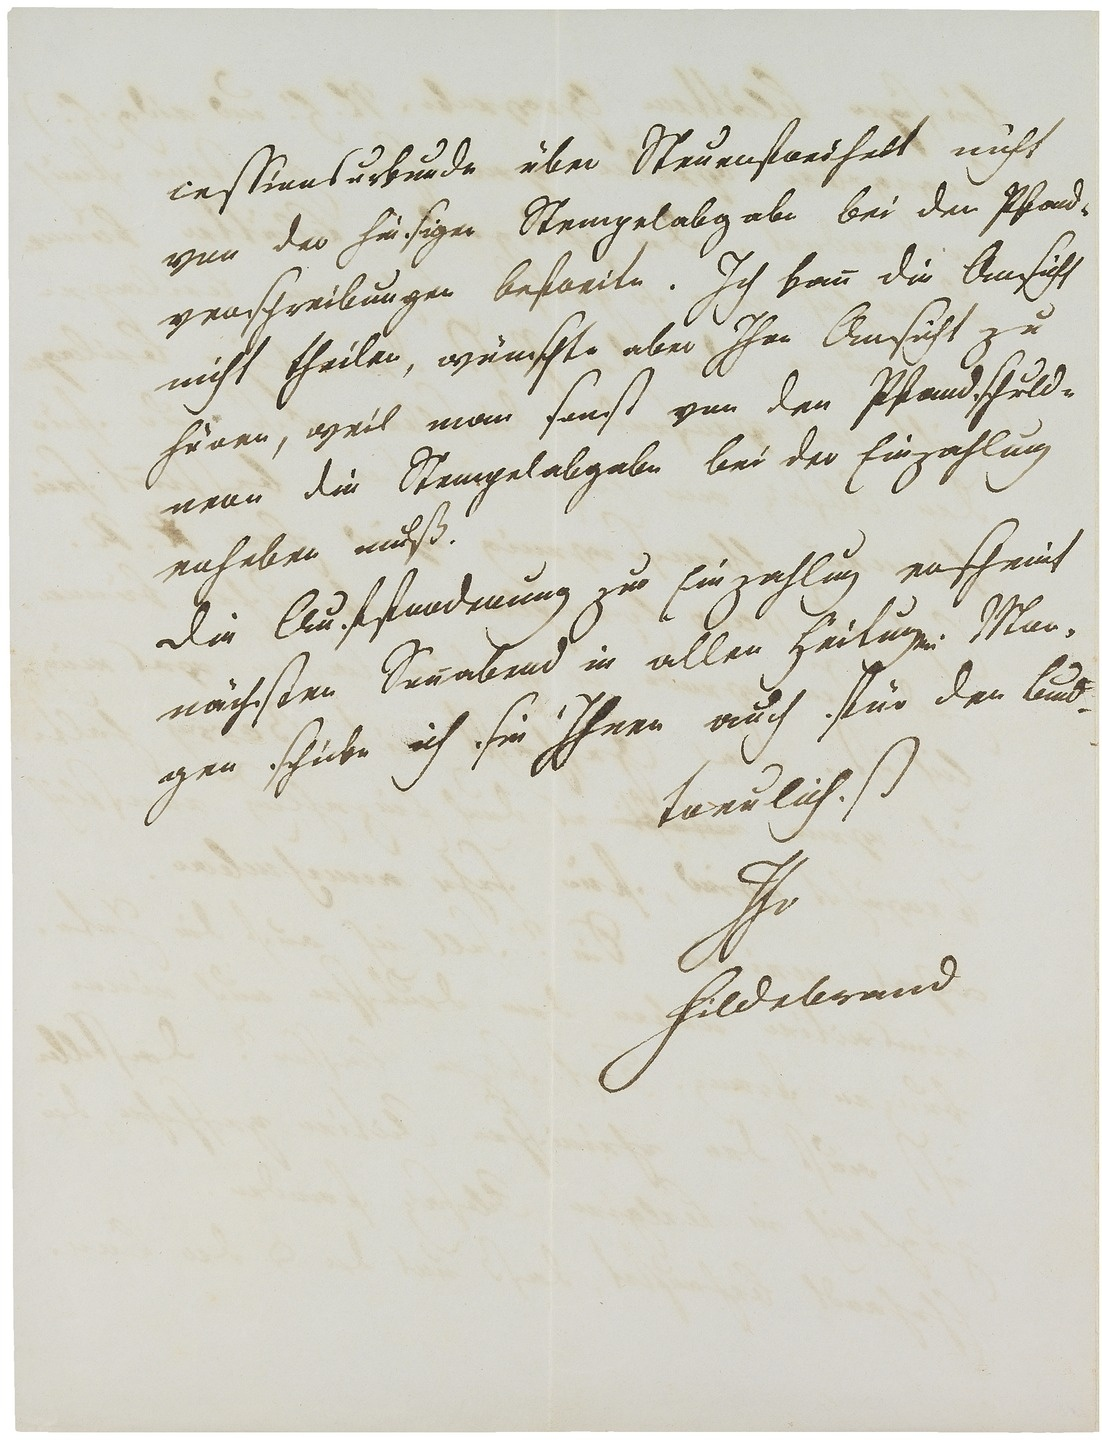cessionsurkunde über Steuerfreiheit nicht
von der hiesigen Stempelabgabe bei den Pfand-
verschreibungen befreite. Ich kann die Ansicht
nicht theilen, wünschte aber Ihre Ansicht zu
hören, weil man sonst von den Pfandschuld-
nern die Stempelabgabe bei der Einzahlung
erheben muß.
Die Aufforderung zur Einzahlung erscheint
nächsten Sonnabend in allen Zeitungen. Mor-
gen schicke ich sie Ihnen auch für den Bund.
treulichst
Hildebrand